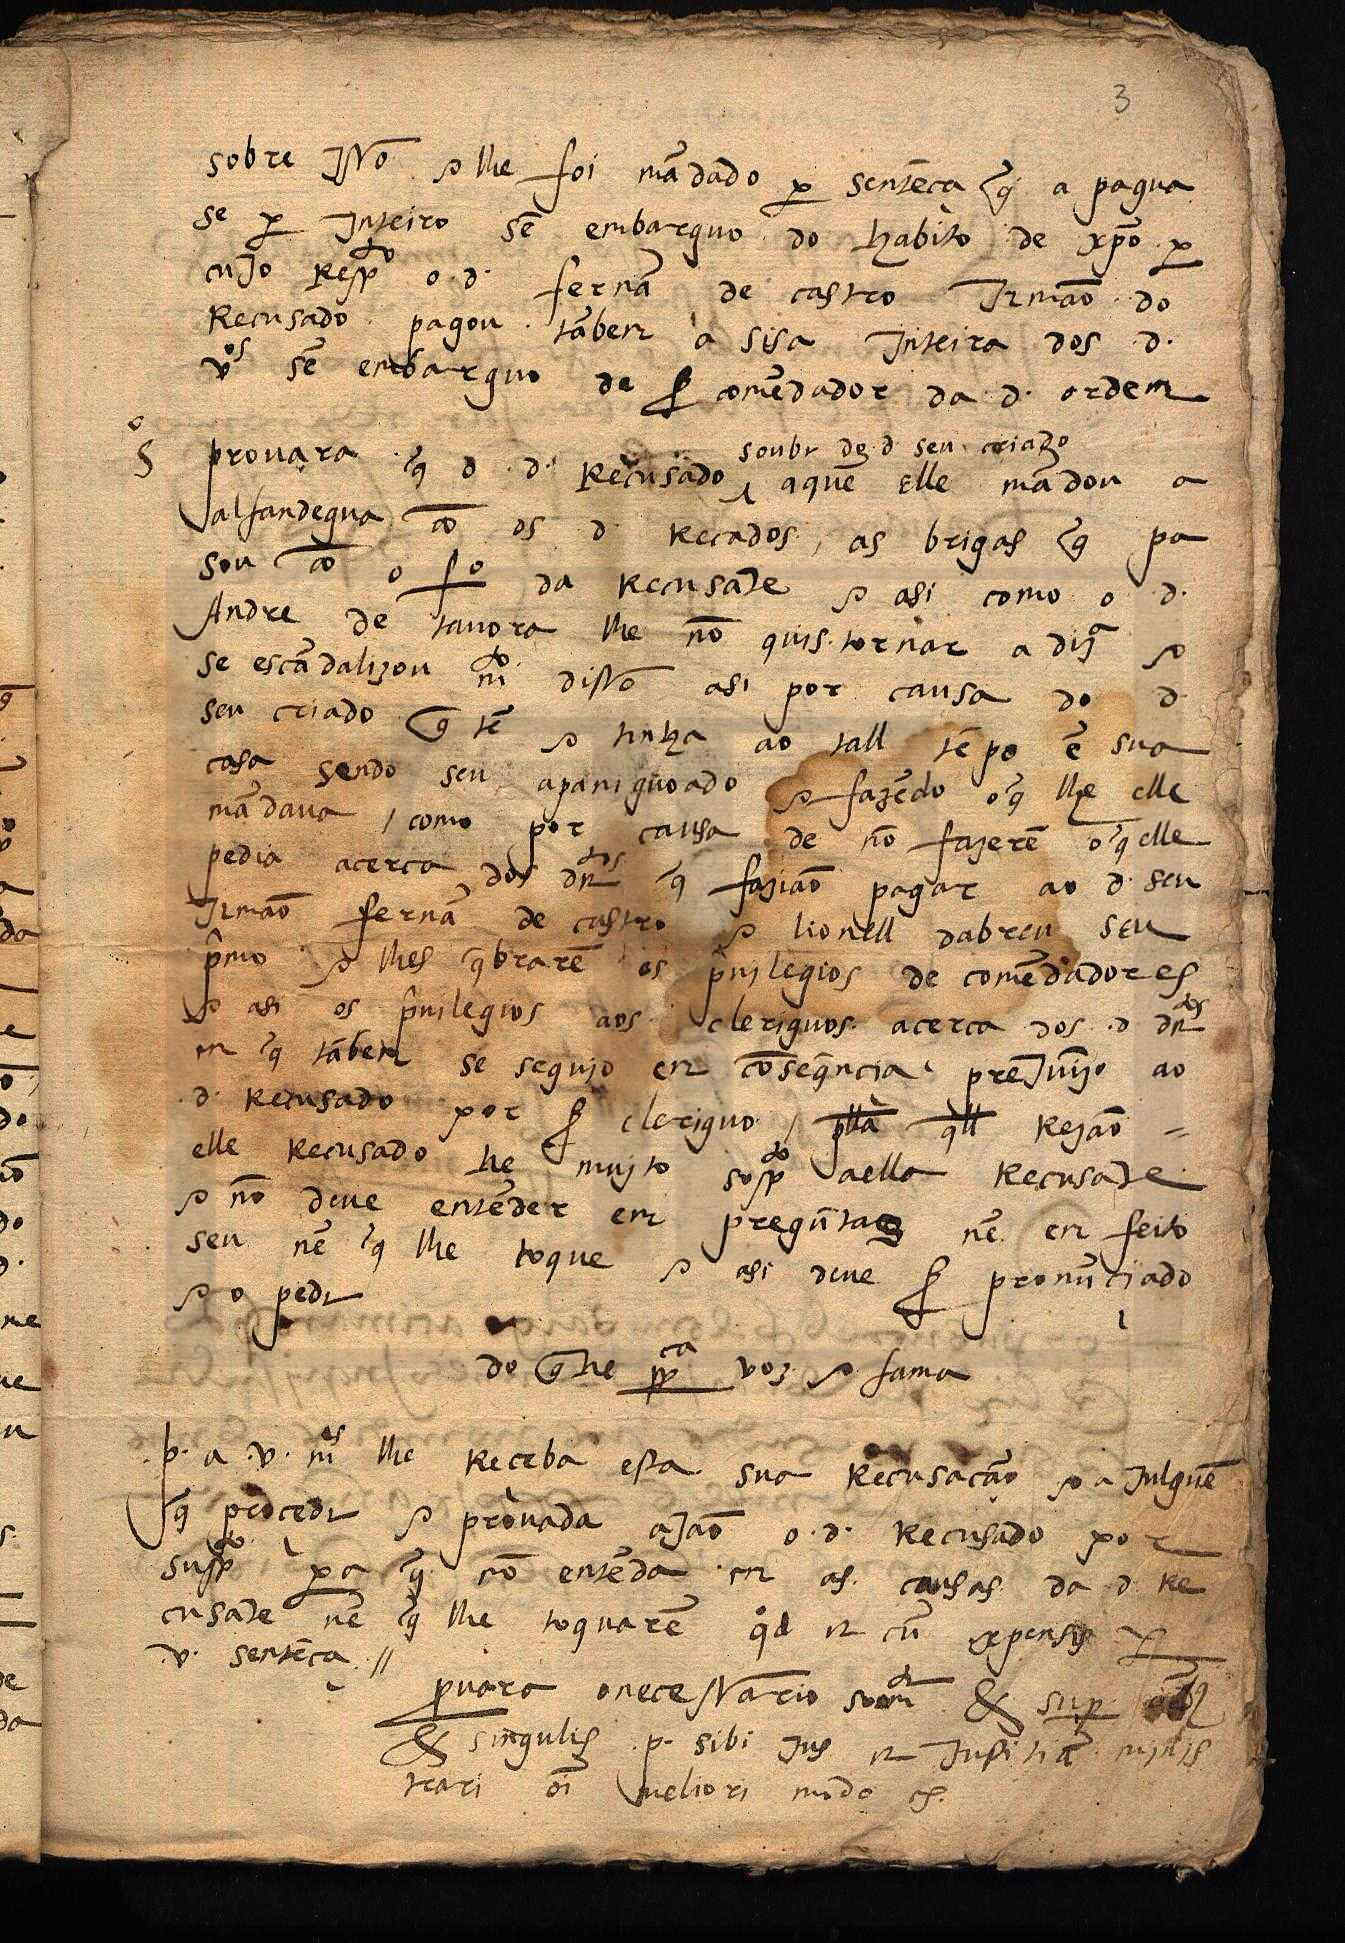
5o
sobre Jsso e lhe foi mādado ꝑ sentēça q̄ a pagua
se ꝑ Jnteiro sē embarguo do habito de xpō ꝑ
cuJo Respto o d. fernā de castro Jrmão do
Recusado pagou tābem a sisa Jnteira dos d.
vos sē embarguo de ꞩ comēdador da d. ordem
prouara q̄ o d. Recusado
soube do d. seu criado
a que Elle mādou a
alfandegua c̄o os d. Recados, as brigas q̄ pa
sou cō o fo da Recusāte e asi como o d.
Andre de tauora lhe n̄o quis tornar a diza e
se escādalizou mto disso asi por causa do d.
seu criado q̄ tē e tinha ao tall tēpo ē sua
casa sendo seu apaniguoado e fazēdo o q̄ lhe elle
mādaua / como por causa de nō fazerē o q̄ elle
pedia acerca dos drrtos q̄ fazião pagar ao d. seu
Jrmão fernā de castro e lionell dabreu seu
p̄mo e lhes q̄brarē os p̄ujlegios de comēdadores
e asi os p̄uilegios aos cleriguos acerca dos d. drrtos
em q̄ tābem se segujo em c̄oseq̄ncia preJuizo ao
d. Recusado por ꞩ cleriguo / p̄lla q̄ll Rezão
elle Recusado he mujto sospto a ella Recusāte
e n̄o deue entēder em pregūtas nē em feito
seu nē q̄ lhe toque e asi deue ꞩ pronūciado
e o pede
do q̄ he ꝓpca voz e fama
p. a .v. mes lhe Receba esta sua Recusação e a Julguē
q̄ procede e prouada aJaõ o d. Recusado por
suspto ꝑa q̄ no entēda em as causas da d. Re
cusāte nē q̄ lhe toquarē qod et cū expensis ꝑ
v. sentēça .//
ꝓuara o necessario soomte & suꝑ
& singulis p. sibi jus et Justitiā mjnjs
trari ōi meliori modo cꝭ.
